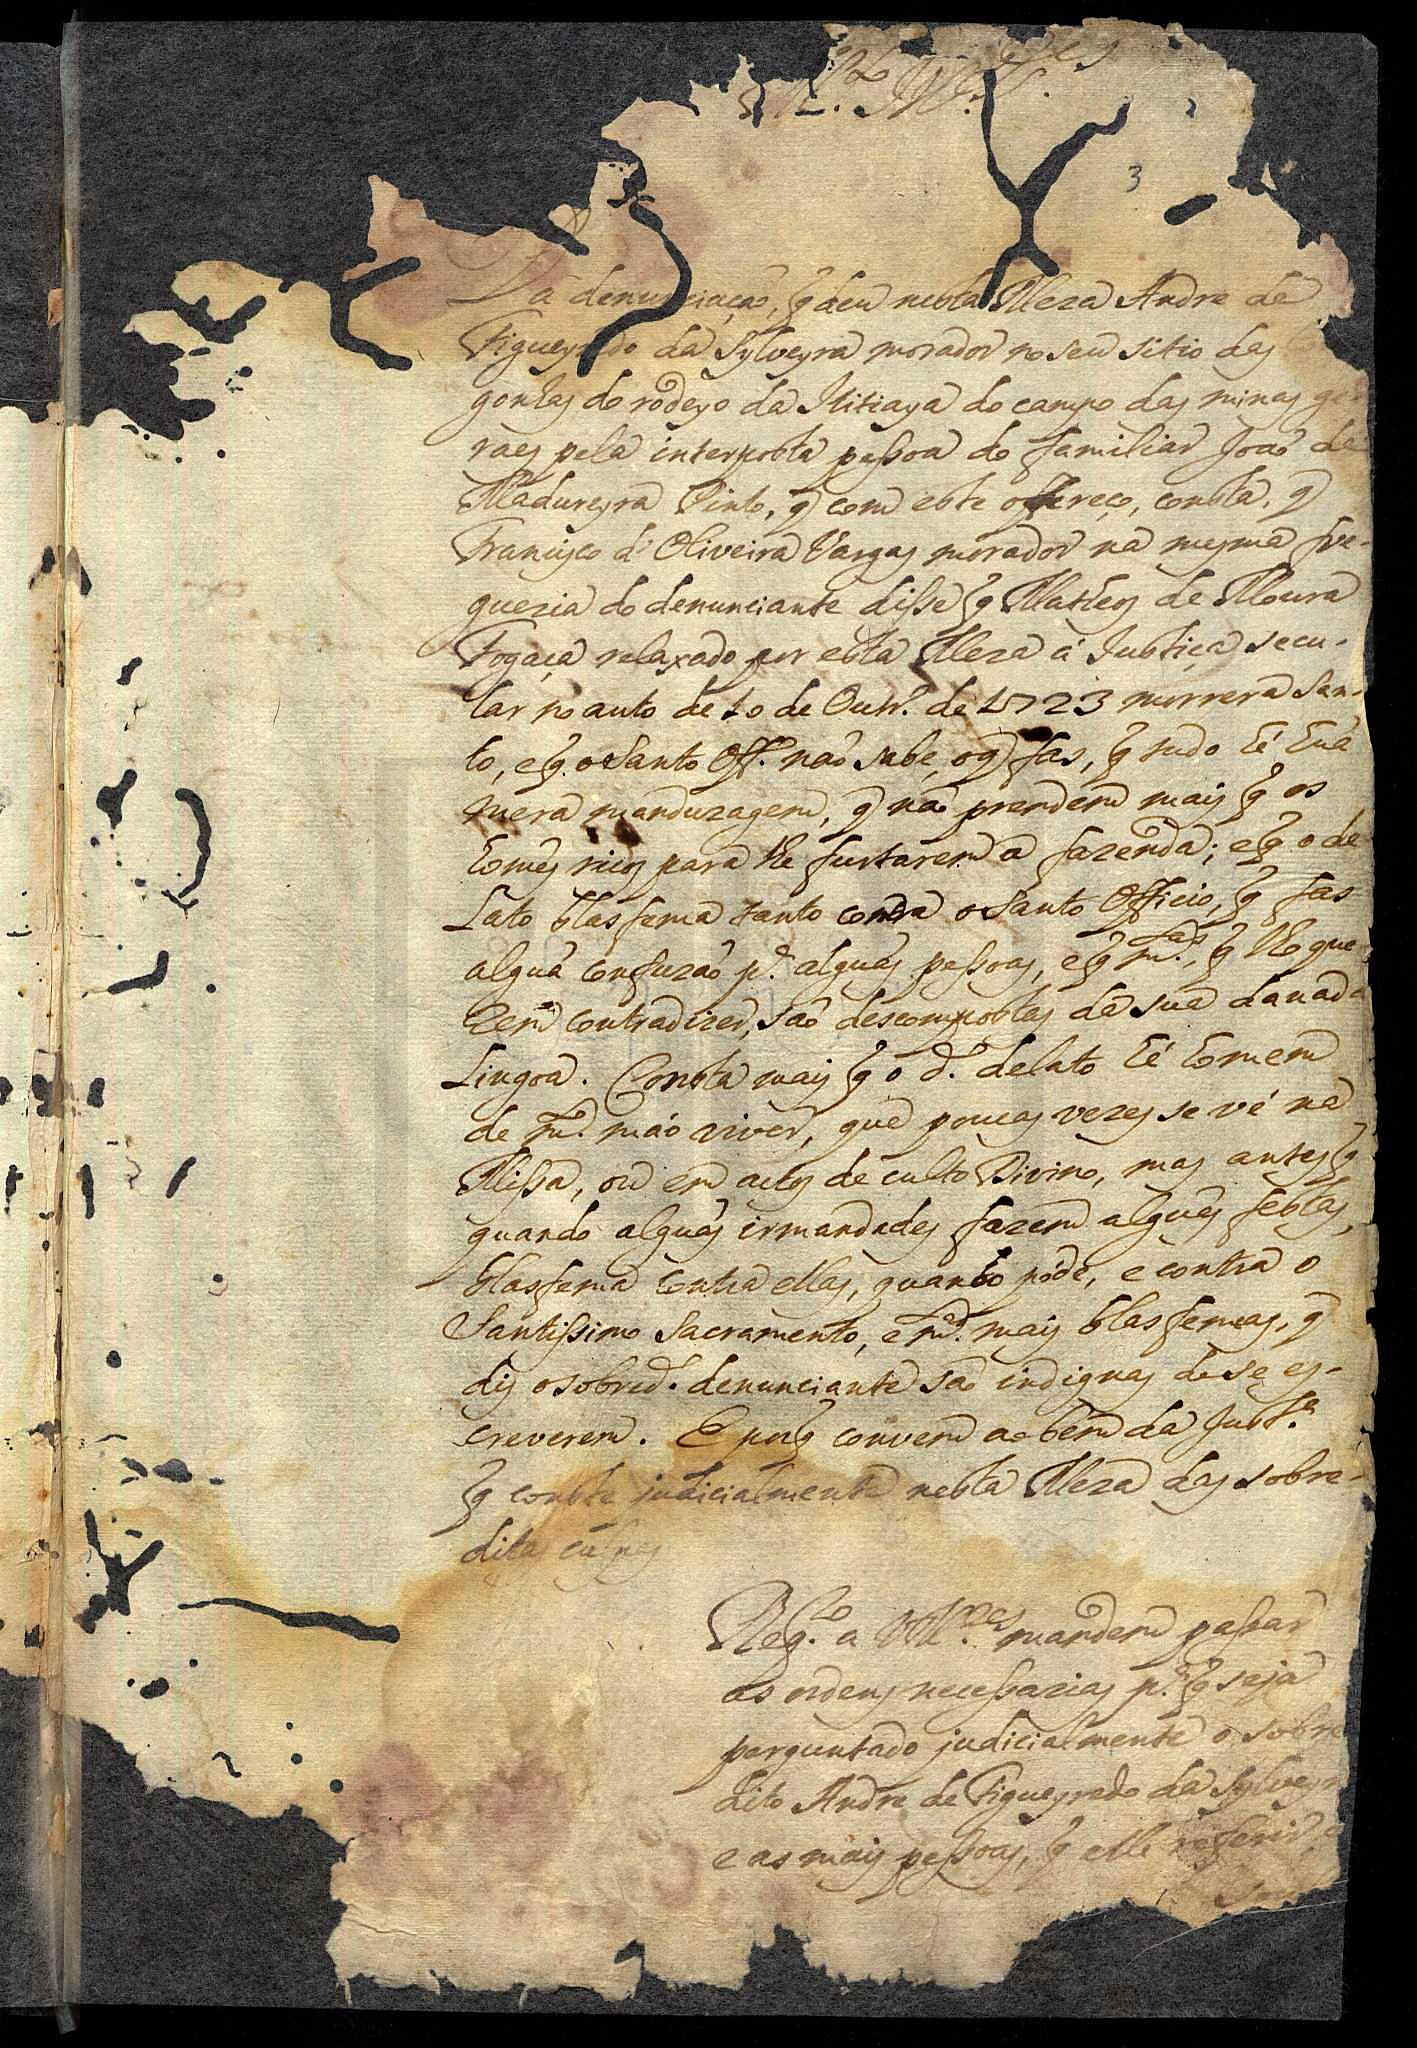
Da denunciaçaõ, q̄ deu nesta Meza Andre de
Figueyredo da Sylveyra morador no seu sitio das
gonhas do rodeyo da Ititiaya do campo das minas ge
raes pela interposta pessoa do familiar João de
Madureyra Pinto, q̄ com este offereço, consta, q̄
Francisco d'Oliveira Vargas morador na mesma fre
guezia do denunciante disse q̄ Matheos de Moura
Fogaça relaxado por esta Meza á Iustiça secu
lar no auto de 10 de Outr.o de 1723 morrera San
to, e q̄ o Santo Off.o naõ sabe, o q̄ fas, q̄ tudo hé huā
mera manduzagem, q̄ naõ prendem mais q̄ os
homēs ricos para lhe furtarem a fazenda; e q̄ o de
Lato blasfema tanto contra o Santo Officio, q̄ fas
alguā confuzaõ p.a alguās pessoas, e q̄ m.tas, q̄ lho que
Rem contradizer, saõ descompostas da sua danada
Lingoa. Consta mais q̄ o d.o delato hé homem
de m.to máo viver, que poucas vezes se vé na
Missa, ou em actos de culto Divino, mas antes q̄
quando alguās irmandades fazem alguās festas,
blasfema contra ellas, quanto póde, e contra o
Santissimo Sacramento, e m.tas mais blasfemas, q̄
dis o sobred.o denunciante saõ indignas de se es
creverem. E porq̄ convem ao bem da Just.a
q̄ conste judicialmente nesta Meza das sobre
ditas culpas
Req.ro a V M.ces mandem passar
as ordens necessarias p.a q̄ seja
perguntado judicialmente o sobre
dito Andre de Figueyredo da Sylveyr
e as mais pessoas, q̄ elle referir,
